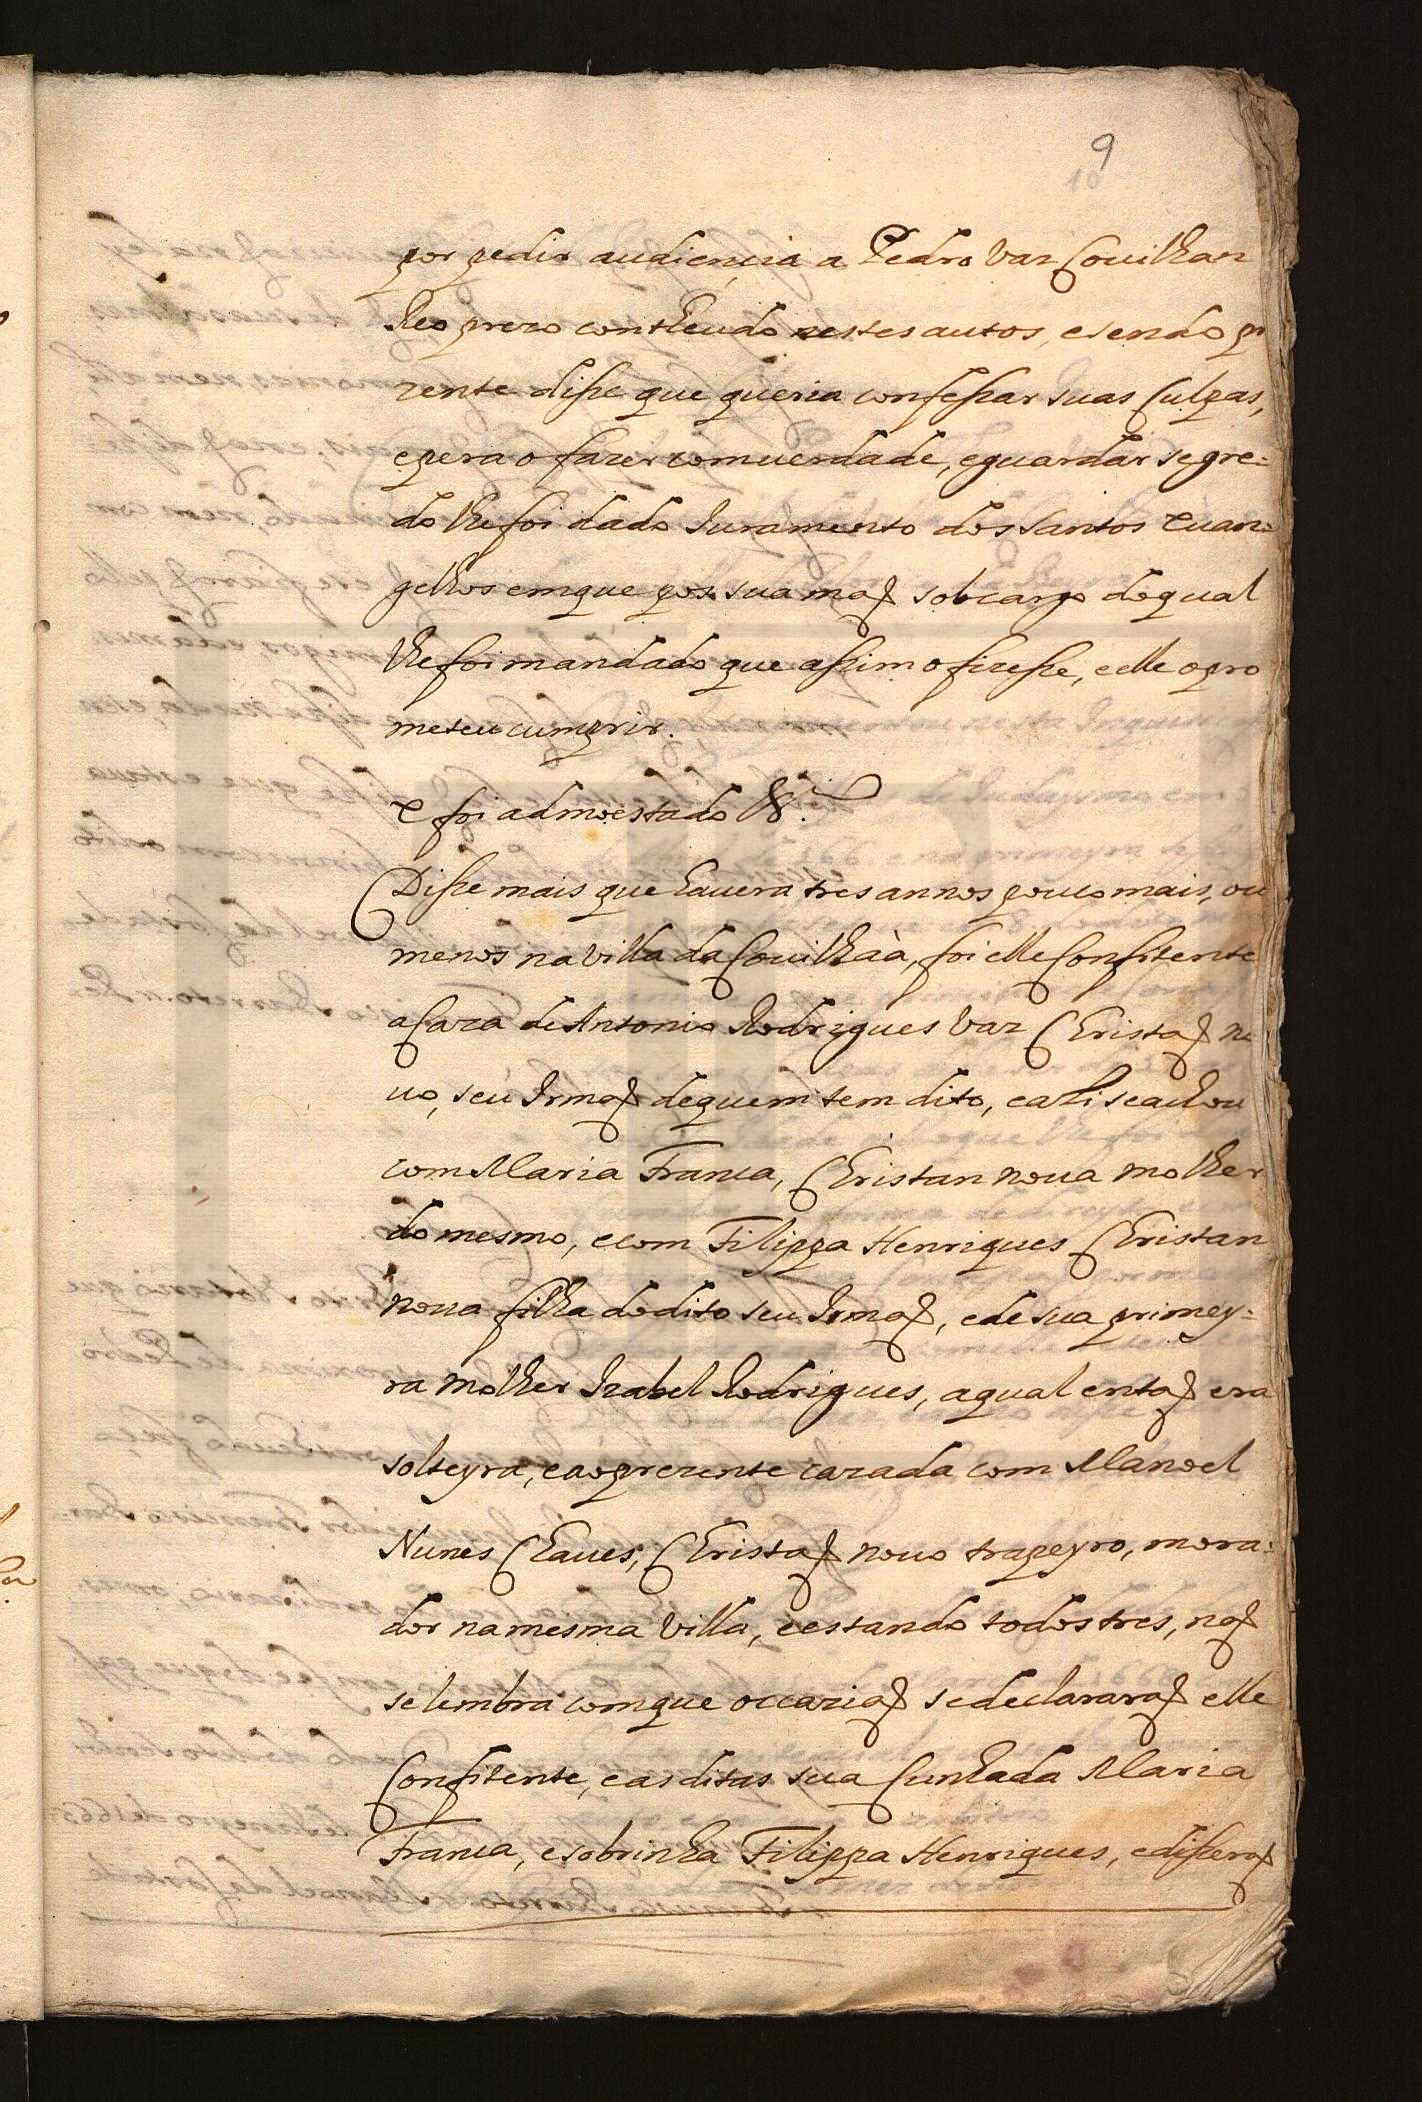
por pedir audiencia a Pedro vaz Couilhan
Reo prezo contheudo nestes autos, e sendo pr
zente disse que queria confessar suas Culpas,
e pera o fazer com uerdade, e guardar segre
do lhe foi dado Iuramento dos santos Euan
gelhos em que pos sua maõ sob cargo do qual
lhe foi mandado que assim o fizesse, e elle o pro
meteu cumprir.
e foi admoestado &.a
Disse mais que hauera tres annos pouco mais, ou
menos na villa da Couilhaã, foi elle Confitente
a Caza de Antonio Rodrigues Vaz Christaõ no
uo, seu Irmaõ de quem tem dito, e aLi se achou
com Maria Franca, Christan noua molher
do mesmo, e com Filippa Henriques Christan
noua filha do dito seu Irmaõ, e de sua primey
ra molher Izabel Rodrigues, a qual entaõ era
solteyra, e ao prezente cazada com Manoel
Nunes Chaues, Christaõ nouo trapeyro, mora
dor na mesma villa, e estando todos tres, naõ
se lembra com que occaziaõ se declararaõ elle
Confitente, e as ditas sua Cunhada Maria
Franca, e sobrinha Filippa Henriques, e disseraõ
